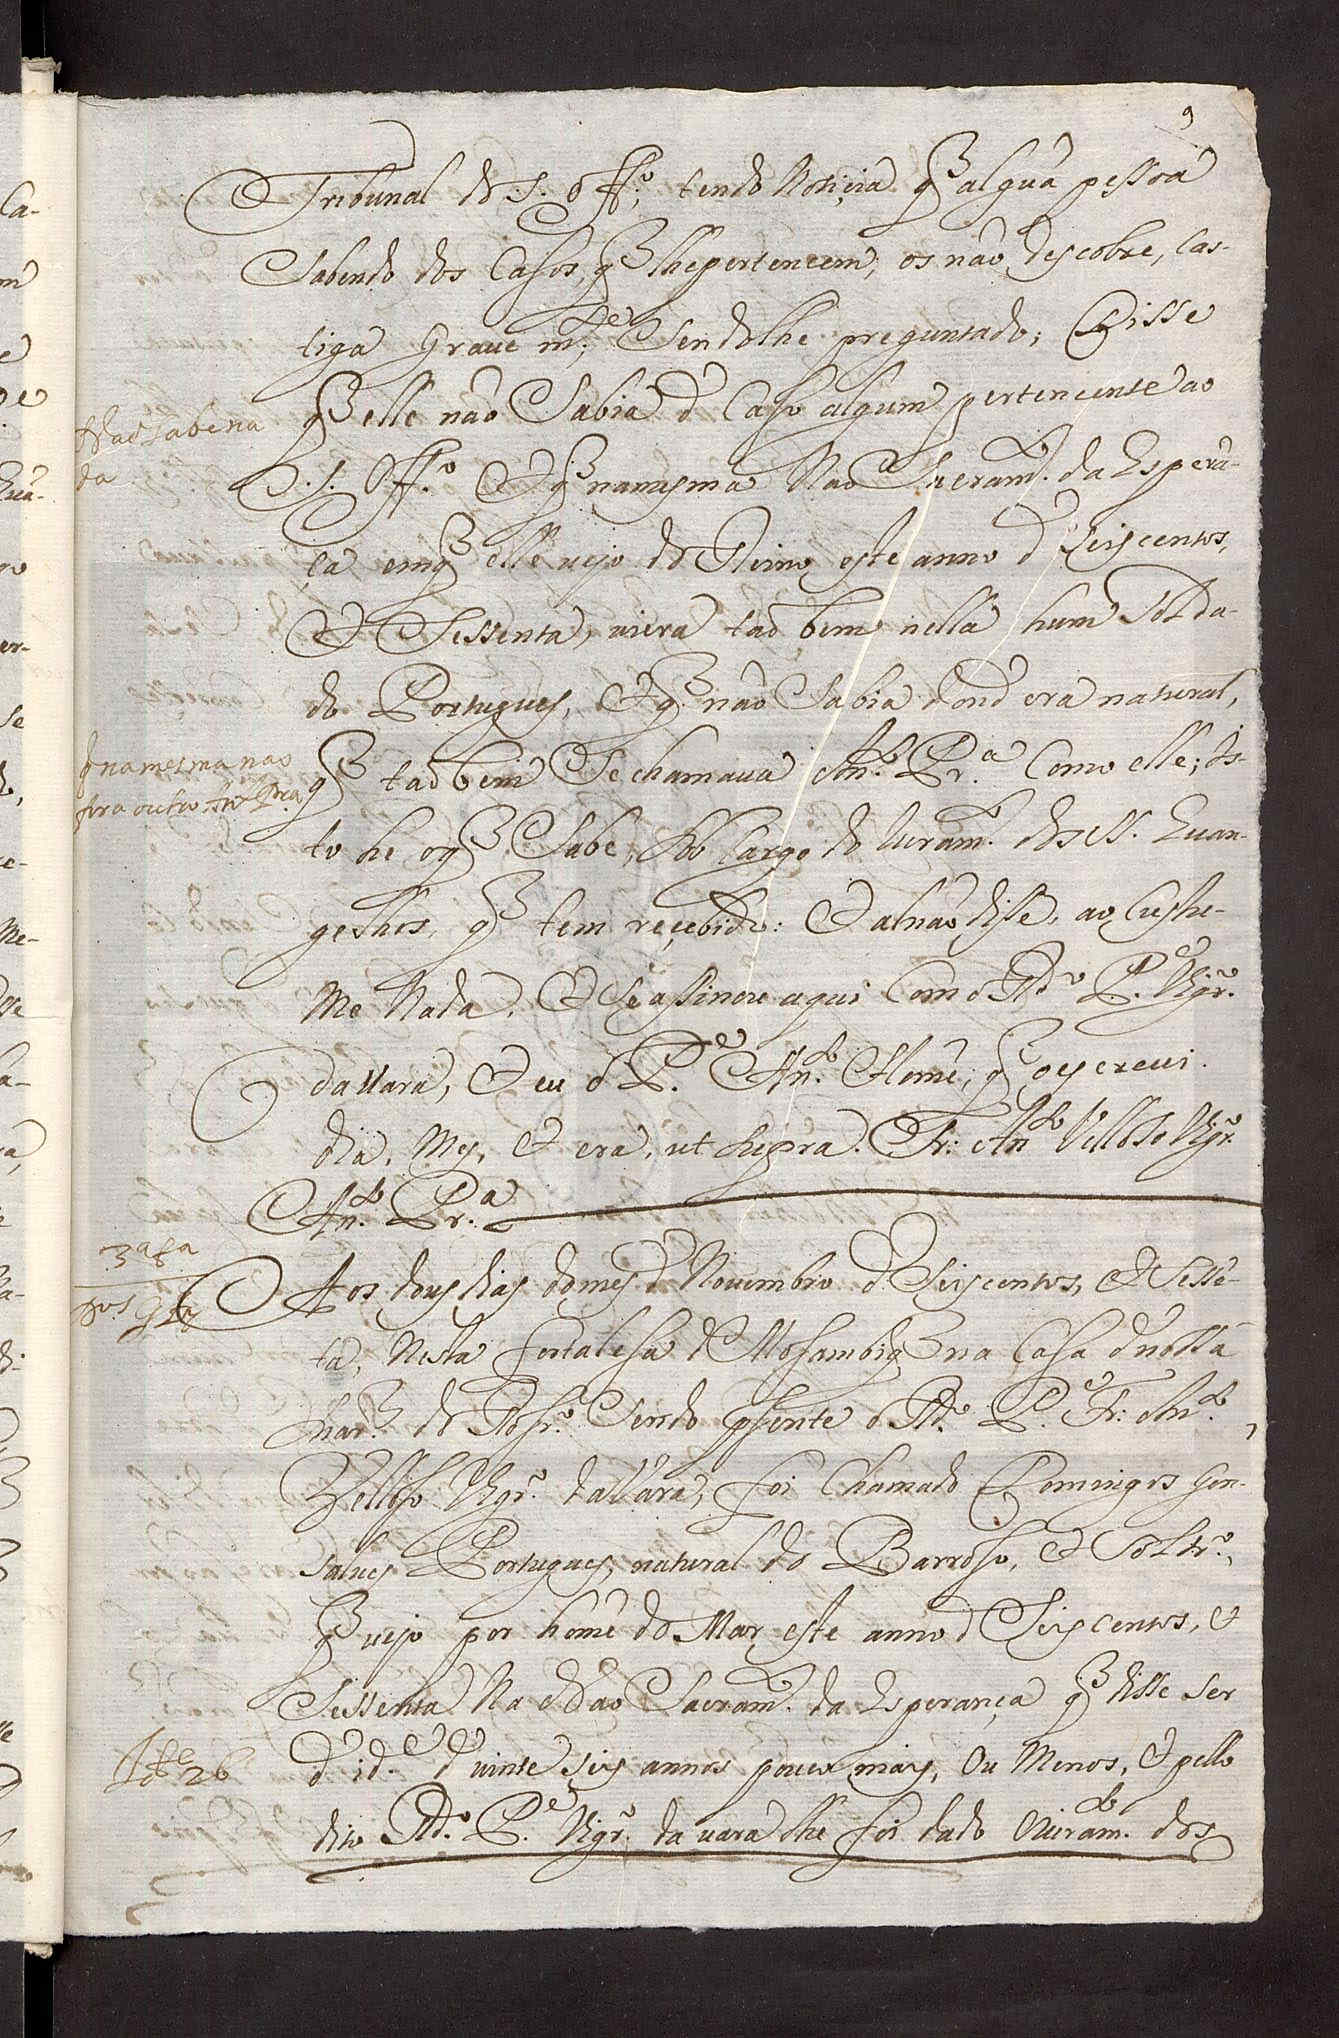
Tribunal do S. off.o; tendo notiçia q̄ alguā pessoa
sabendo dos casos, q̄ lhe pertencem; os não descobre, cas
tiga Grauem.te sendolhe preguntado; Disse
q̄ elle não Sabia d Caso algum pertencente ao
.S. Off.o E q̄ na mesma Nao Sacramto. da Esperā
ça em q̄ elle vejo do Reino este anno d seiscentos,
E Sessenta, viera taõbem nella hum Solda
do Portugues, E q̄ não sabia dond era natural,
q̄ taõbem se chamava An.to Pr.a Como elle; Is
to he o q̄ Sabe, Sob Cargo do Juram.to dos SS. Euan
gelhos, q̄ tem reçebido: E al naõ disse, ao Custu
me Nada, E se assinou aqui Com o Rdo P.e Vigr.o
da uara, E eu o P.e An.to Homē; q̄ o escreui
dia, mes, E era, ut supra. Fr: Anto Velloso Vigro
An.to Pr.a
Aos dous dias do mes d Nouembro d Seiscentos, E sessē
ta, Nesta fortalesa d Mosambiq̄ na Casa d nossa
Snar.r do Rosr.o Sendo p̄sente o Rd.o P.e Fr: An.to
Velloso Vigr.o da Vara, foi Chamado Domnigos Gon
salves Portugues, natural do Barroso, et soltr.o
q̄ vejo por homē do Mar este anno d Seiscentos, et
Sessenta na Nao Sacram.to da Esperança q̄ disse ser
a id.e d vinte seis annos pouco mais, ou Menos, E pello
dito Rd.o P.e Vigr.o da vara lhe foi dado o iuram.to dos
